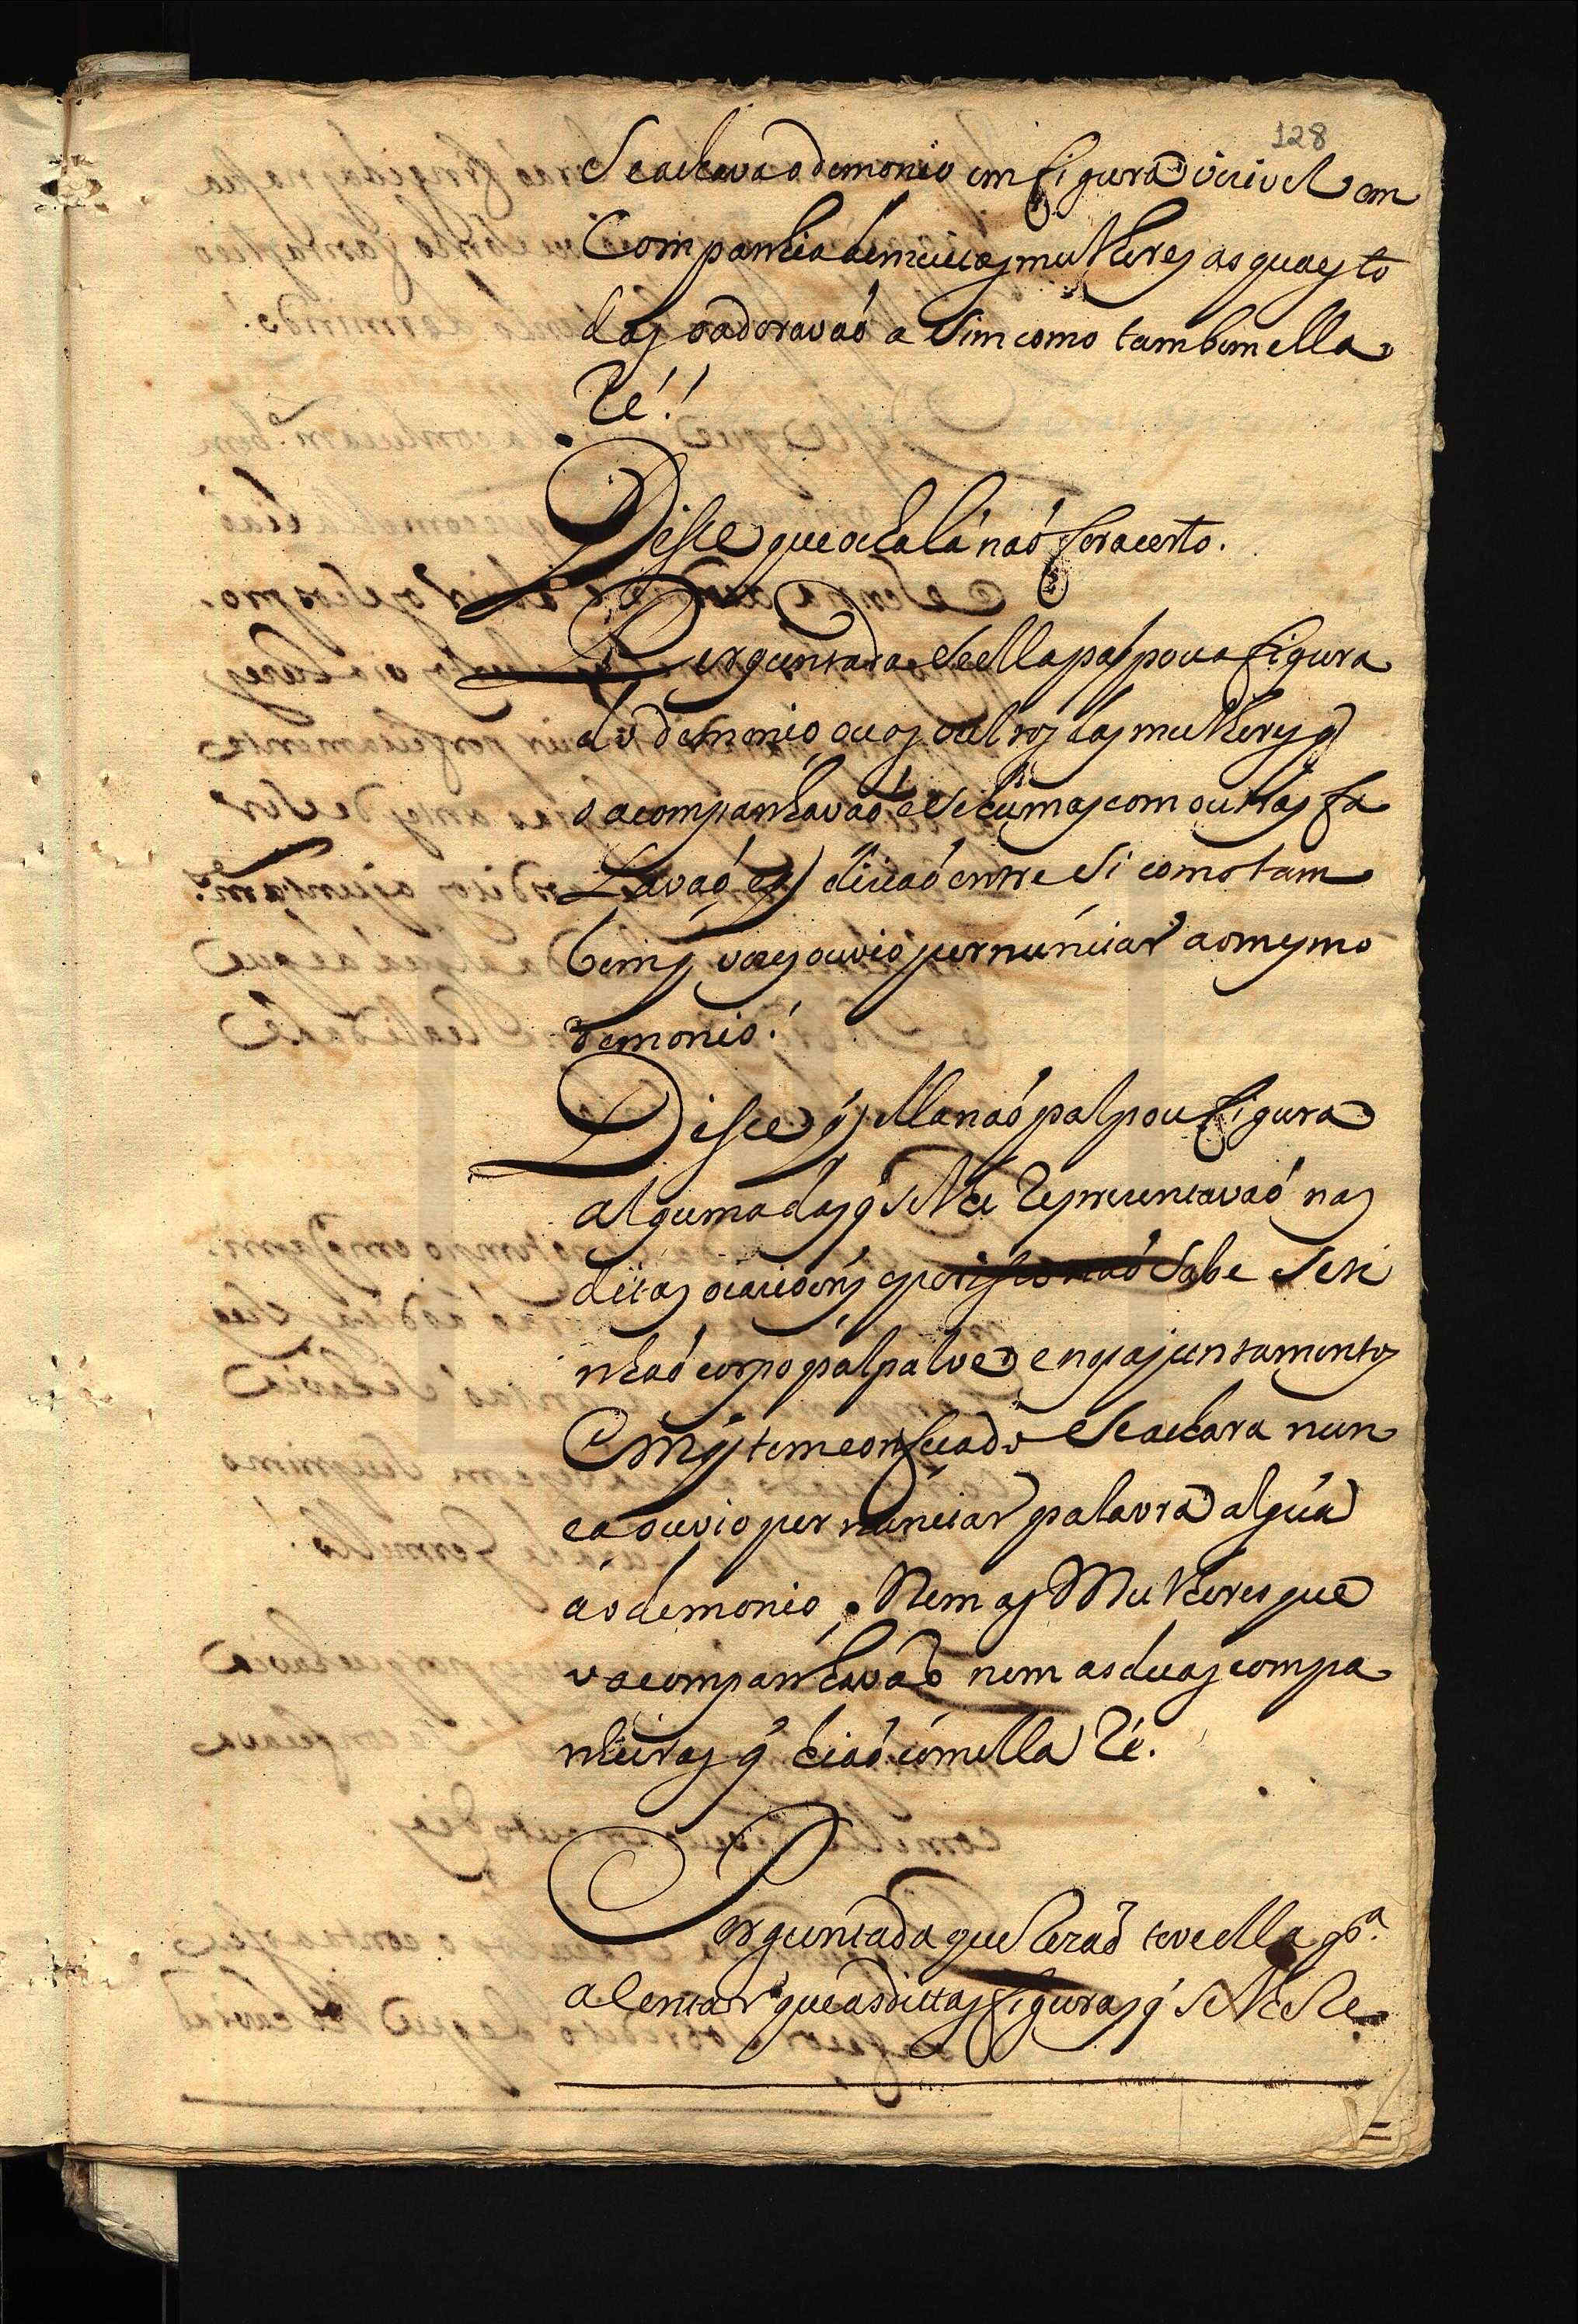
Se achava o demonio em figura vizivel em
Companhia de muitas mulheres as quaes to
das o adoravaõ aSim como tambem ella
Ré?
Disse que ochalá naõ fora certo.
Perguntada Se ella palpou a figura
do demonio, ou as outras das mulheres q̄
o acompanhavaõ, e se humas com outras fa
Lavaõ, e q̄ diziaõ, entre Si, como tam
bem q̄ vozes ouvio pernunciar ao mesmo
demonio?
Disse q̄ ella naõ palpou figura
alguma das q̄ se lhe Reprezentavaõ nas
ditas ocazioens, e por isso naõ Sabe Se ti
nhaõ corpo palpalve e nos ajuntamentos
em q̄ tem confeçado Se achara nun
ca, ouvio pernunciar palavra algūa
ao demonio, Nem as Mulheres que
o acompanhavão, nem as duas compa
nheiras q̄ hiaõ com ella Ré.
Perguntada que Rezaõ teve ella p.a
acentar que as dittas figuras q̄ se lhe Re
